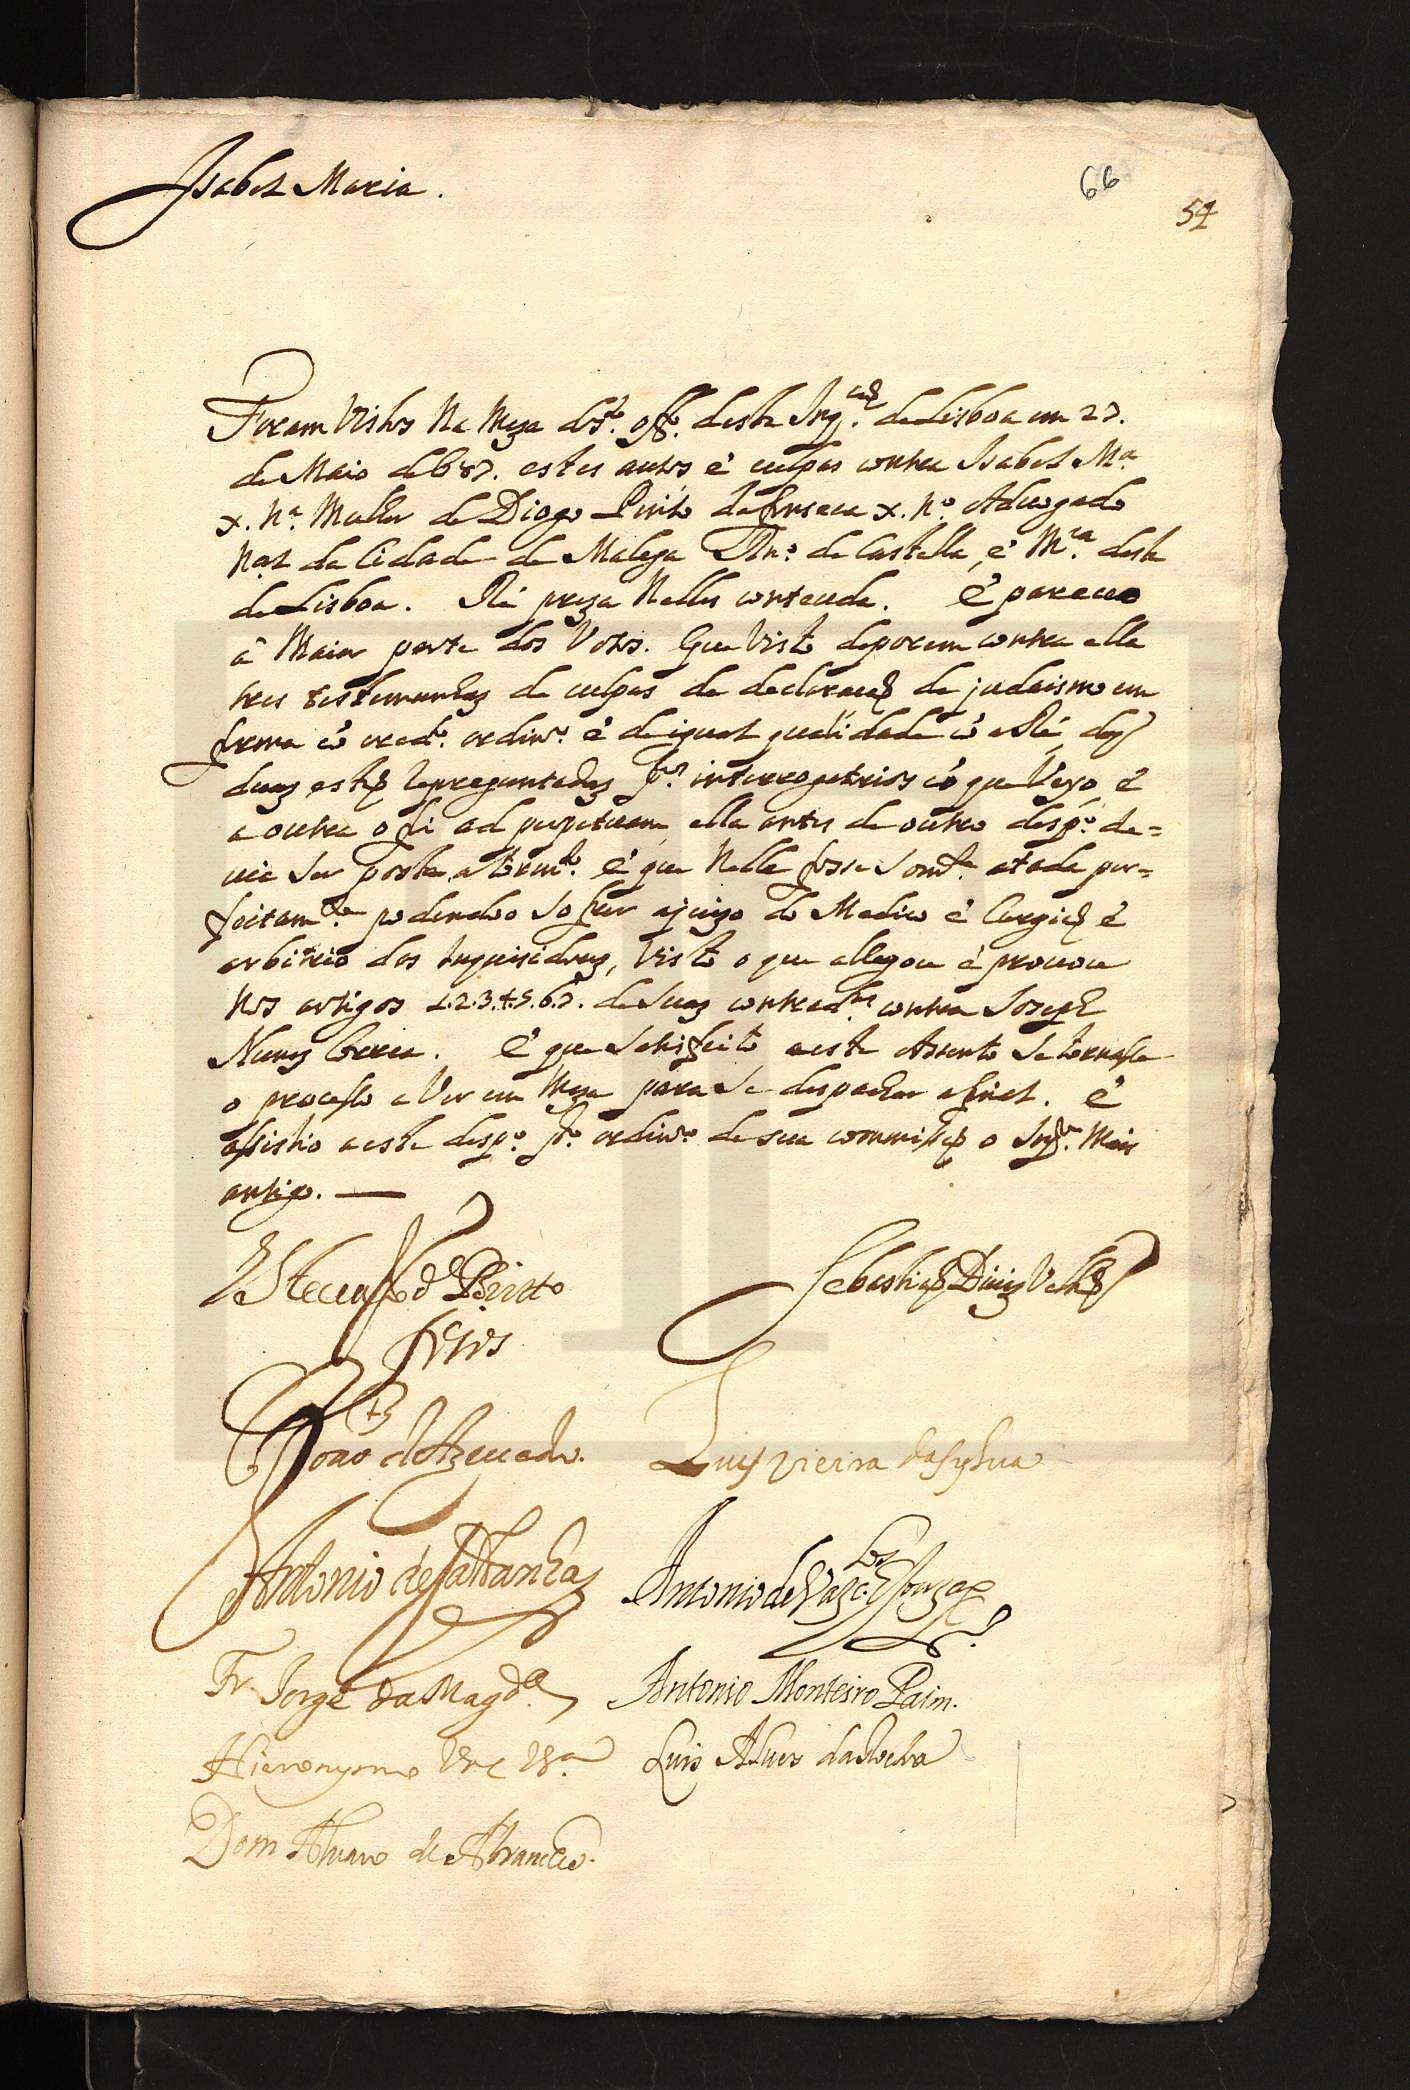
Jsabel Maria.
Foram Vistos Na Meza do sto. offo. desta Inq.caõ de Lisboa em 27.
de Maio de 687. estes autos, e culpas contra Isabel M.a
x. n.a Mulher de Diogo Pinto da fonseca x. n.o Aduogado
n.al da Cidade de Malega Rn.o de Castella, e M.ra desta
de Lisboa. Ré preza Nelles conteuda. E pareceo
à Maior parte dos Votos. Que Visto deporem contra ella
tres testemunhaz de culpas de declaraçaõ de judaismo em
forma cō credo. ordino. e de igual qualidade cō a Ré, de q̄
duaz estaõ Repreguntadaz p.los interrogatorios cō que Veyo, e
a outra o foi ad perpetuam, ella antes de outro desp.o de
uia ser posta a tormto. e que Nella fosse Som.te atada per
feitam.te podendoo sofrer a juizo do Medico e Curgiaõ e
arbitrio dos Inquisidorez, Visto o que allegou e prouou
Nos artigos 1. 2. 3. 4. 5. 6. 7. de suaz contrad.as contra Iozeph
Nunez Correa. E que satisfeito a este Assento se tornasse
o processo a Ver em Meza para se despachar afinal. e
assistio a este desp.o p.lo ordin.ro de sua commissaõ o Inq.or Mais
antigo.
